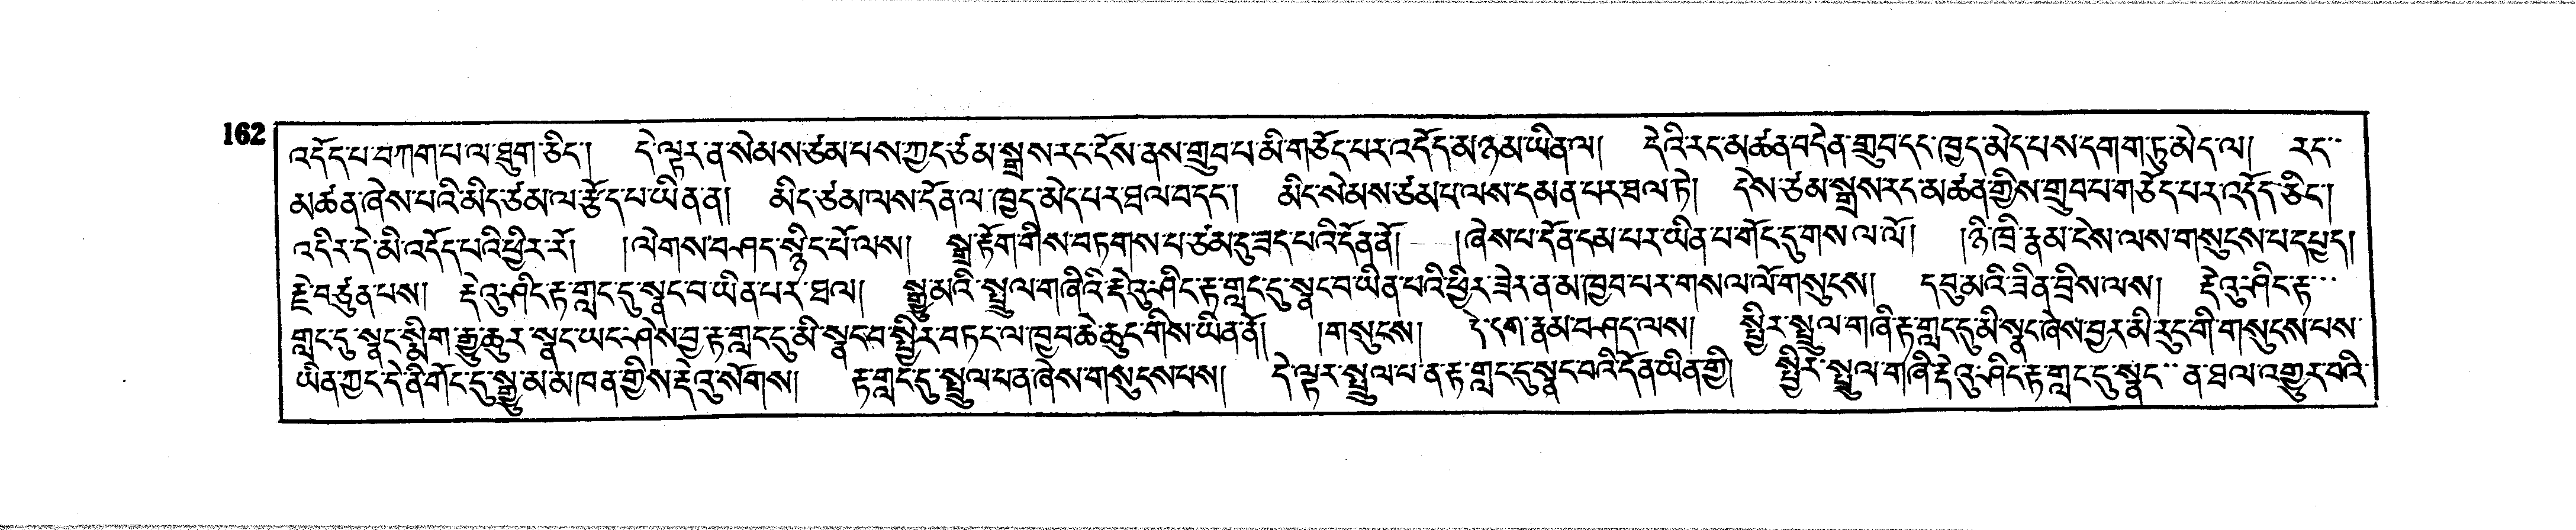འདོད་པ་བཀག་པ་ལ་ཐུག་ཅིང་། དེ་ལྟར་ན་སེམས་ཙམ་པས་ཀྱང་ཙམ་སྒྲས་རང་ངོས་ནས་གྲུབ་པ་མི་གཅོད་པར་འདོད་མཉམ་ཡིན་ལ། དེའི་རང་མཚན་བདེན་གྲུབ་དང་ཁྱད་མེད་པས་དགག་ཏུ་མེད་ལ། རང་
མཚན་ཞེས་པའི་མིང་ཙམ་ལ་རྩོད་པ་ཡིན་ན། མིང་ཙམ་ལས་དོན་ལ་ཁྱད་མེད་པར་ཐལ་བ་དང་། མིང་སེམས་ཙམ་པ་ལས་དམན་པར་ཐལ་ཏེ། དེས་ཙམ་སྒྲས་རང་མཚན་གྱིས་གྲུབ་པ་གཅོད་པར་འདོད་ཅིང་།
འདིར་དེ་མི་འདོད་པའི་ཕྱིར་རོ། །ལེགས་བཤད་སྙིང་པོ་ལས། སྒྲ་རྟོག་གིས་བཏགས་པ་ཙམ་དུ་ཟད་པའི་དོན་ནོ། །ཞེས་པ་དོན་དམ་པར་ཡིན་པ་གོང་དུ་གསལ་ལོ། །ཉི་ཁྲི་རྣམ་ངེས་ལས་གསུངས་པ་དཔྱད།
རྗེ་བཙུན་པས། རྡེའུ་ཤིང་རྟ་གླང་དུ་སྣང་བ་ཡིན་པར་ཐལ། སྒྱུ་མའི་སྤྲུལ་གཞིའི་རྡེའུ་ཤིང་རྟ་གླང་དུ་སྣང་བ་ཡིན་པའི་ཕྱིར་ཟེར་ན་མ་ཁྱབ་པར་གསལ་ལོ་གསུངས། དབུ་མའི་ཟིན་བྲིས་ལས། རྡེའུ་ཤིང་རྟ་
གླང་དུ་སྣང་སྨིག་རྒྱུ་ཆུར་སྣང་ཡང་ཤེས་བྱ་རྟ་གླང་དུ་མི་སྣང་བ་སྤྱིར་བཏང་ལ་ཁྱབ་ཆེ་ཆུང་གིས་ཡིན་ནོ། །གསུངས། དེ་དག་རྣམ་བཤད་ལས། སྤྱིར་སྤྲུལ་གཞི་རྟ་གླང་དུ་མི་སྣང་ཞེས་བྱར་མི་རུང་གི་གསུངས་པས་
ཡིན་ཀྱང་དེ་ནི་གོང་དུ་སྒྱུ་མ་མཁན་གྱིས་རྡེའུ་སོགས། རྟ་གླང་དུ་སྤྲུལ་པ་ན་ཞེས་གསུངས་པས། དེ་ལྟར་སྤྲུལ་པ་ན་རྟ་གླང་དུ་སྣང་བའི་དོན་ཡིན་གྱི། སྤྱིར་སྤྲུལ་གཞི་རྡེའུ་ཤིང་རྟ་གླང་དུ་སྣང་ན་ཐལ་འགྱུར་བའི་